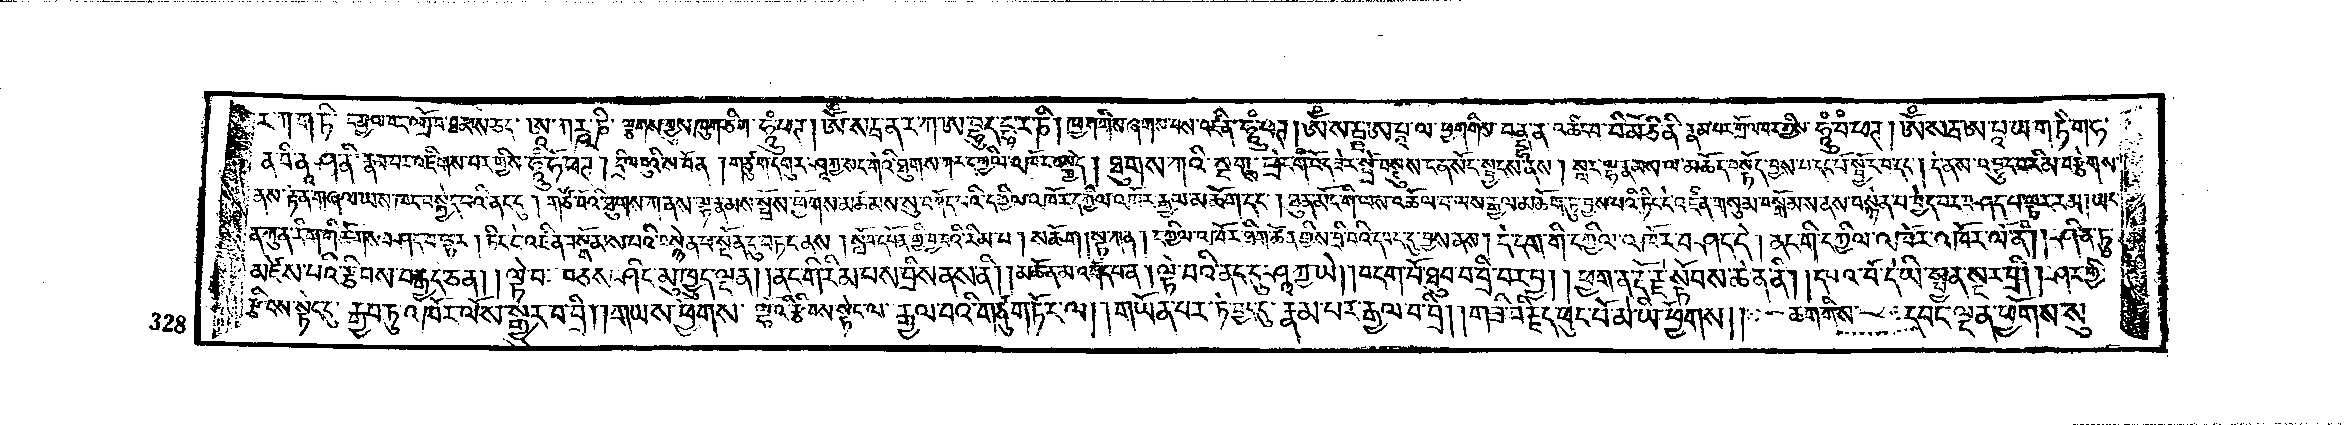ར་ཀ་ག་ཏི་དམྱལ་བར་འགྲོ་བ་ཐམས་ཅད་ཨཱ་ཀརྵ་ཎི་ལྕགས་ཀྱུས་ཁུག་ཅིག་ཧཱུཾ་ཕཊ། ཨོཾ་སརྦ་ན་ར་ཀ་ཨ་བྷུད་དྷ་ར་ཎི། ཕྱག་གིས་ཞགས་པས་འཛིན་ཧཱུཾ་ཕཊ། ཨོཾ་སརྦྦ་ཨ་པཱ་ལ་ཕྱག་གིས་བནྡྷ་ན་འཆིང་བ་བི་མོ་ཅི་ནི་རྣམ་པར་གྲོལ་བར་གྱིས་ཧཱུཾ་པཾ་ཕཊ། ཨོཾ་སརྦ་ཨ་པཱ་ཡ་གཏོག་ཧ?
ནི་བི་ནཱ་ཤ་ནི་རྣམ་པར་འཇིགས་པར་གྱིས་ཧཱུཾ་ཧོ་ཕཊ། དྲིལ་བུའི་ས་བོན། གཙུག་དགུར་ཤཱཀྱ་སེང་གེའི་ཐུགས་ཀར་དཀྱིལ་འཁོར་བསྐྱེད།  ཐུགས་ཀའི་སྔགས་ཕྲེང་གི་འོད་ཟེར་སྤྲོ་བསྡུས་ངན་སོང་སྦྱངས་ནས། སླར་ལྷ་རྣམས་ལ་མཆོད་བསྟོད་བྱས་པ་དང་པོ་སྦྱོར་བ་དང་། དེ་ནས་འབྱུང་བ་རིམ་བརྩེགས་
ནས་རྟེན་གཞལ་ཡས་ཁང་བསྐྱེད་པའི་ནང་དུ། གཙོ་བོའི་ཐུགས་ཀ་ནས་ལྷ་རྣམས་སྤྲོས་ཕྱོགས་མཚམས་སུ་བཀོད་པའི་དཀྱིལ་འཁོར་དཀྱིལ་འཁོར་རྒྱལ་མཆོག་དང་། ཐུན་མོང་གི་ལས་འཚོལ་བ་ལས་རྒྱལ་མཆོག་ཏུ་བྱས་པའི་ཏིང་ངེ་འཛིན་གསུམ་བསྒོམས་ནས་བསྙེན་པ་བྱེད་པར་བཤད་པ་ལྟར་རམ། ཡང་
ན་ཀུན་རིག་གི་ཆོགས་བཤད་པ་ལྟར། ཏིང་ངེ་འཛིན་བསྒོམས་པའི་བསྙེན་པ་སྔོན་དུ་བཏང་ནས། སློབ་དཔོན་གྱི་བྱ་བའི་རིམ་པ། ས་ཆོག །སྟ་གན། དཀྱིལ་འཁོར་ཐིག་ཚོན་གྱིས་བྲི་བའི་དབང་དུ་བྱས་ནས། དེ་དག་གི་དཀྱིལ་འཁོར་བཤད་དེ། ནང་གི་དཀྱིལ་འཁོར་འཁོར་ལོ་ནི། །ཤིན་ཏུ་
མཛེས་པའི་རྩིབས་བརྒྱད་ཅན། །ལྟེ་བར་བཅས་ཤིང་མུ་ཁྱུད་ལྡན། །ནང་གི་རིམ་པས་བྲིས་ནས་ནི། །མཚན་མ་འགོད་པ་ན།  ལྟེ་བའི་ནང་དུ་ཤཱཀྱ་ཡེ། །བདག་པོ་ཐུབ་པ་བྲི་བར་བྱ། །ཕྱག་ན་རྡོ་རྗེ་སྟོབས་ཆེན་ནི། །དཔའ་བོ་དེ་ཡི་སྤྱན་སྔར་བྲི། །ཤར་གྱི་
རྩིབས་སྟེང་དུ་རྒྱབ་ཏུ་འཁོར་ལོས་སྒྱུར་བ་བྲི། །གཡས་ཕྱོགས་ལྷོའི་རྩིབས་སྟེང་ལ་རྒྱལ་བའི་གཙུག་ཏོར་ལ། །གཡོན་པར་ཏེ་བྱང་དུ་རྣམ་པར་རྒྱལ་བ་བྲི། །གཟི་བརྗིད་ཕུང་བོ་མེ་ཡི་ཕྱོགས།། ཆག་གིས་དབང་ལྡན་ཕྱོགས་སུ་